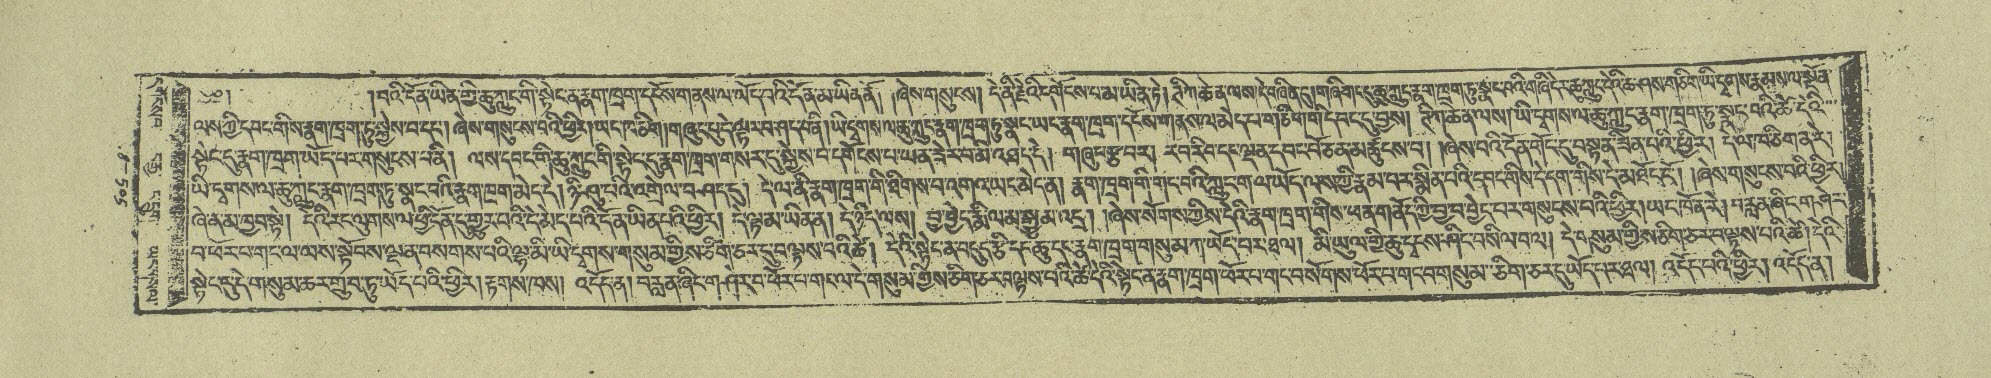༄༅། །པའི་དོན་ཡིན་གྱི་ཆུ་ཀླུང་གི་སྟེང་ན་རྣག་ཁྲག་དངོས་གནས་ལ་ཡོད་པའི་དོན་མ་ཡིན་ནོ། །ཞེས་གསུངས། དེ་ནི་རྗེའི་དགོངས་པ་མ་ཡིན་ཏེ། ཊིཀ་ཆེན་ལས། དེ་བཞིན་དུ། གཞི་གང་དུ་ཆུ་ཀླུང་རྣག་ཁྲག་ཏུ་སྣང་བའི་གཞི་དེར་ཆུ་ཀླུང་དེའི་ཆ་ཤས་གཅིག་ཡི་དྭགས་རྣམས་ལ་སྔོན་
ལས་ཀྱི་དབང་གིས་རྣག་ཁྲག་ཏུ་སྐྱེས་པ་དང་། ཞེས་གསུངས་པའི་ཕྱིར། ཡང་ཁ་ཅིག །གཞུང་དུ་དེ་ལྟར་བཤད་པ་ནི། ཡི་དྭགས་ལ་ཆུ་ཀླུང་རྣག་ཁྲག་ཏུ་སྣང་ཡང་རྣག་ཁྲག་དངོས་གནས་ལ་མེད་པ་གཅིག་གི་དབང་དུ་བྱས། ཊིཀ་ཆེན་ལས། ཡི་དྭགས་ལ་ཆུ་ཀླུང་རྣག་ཁྲག་ཏུ་སྣང་བའི་ཚེ་དེའི་
སྟེང་དུ་རྣག་ཁྲག་ཡོད་པར་གསུངས་པ་ནི། ལས་དབང་གི་ཆུ་ཀླུང་གི་སྟེང་དུ་རྣག་ཁྲག་གསར་དུ་སྐྱེས་པ་དགོངས་པ་ཡིན་ཟེར་བ་མི་འཐད་དེ། གཞུང་རྩ་བར། རབ་རིབ་དང་ལྡན་དབང་པོ་ཅན་མཚུངས་པ། །ཞེས་པའི་དོན་གོང་དུ་བསྟན་ཟིན་པའི་ཕྱིར། དེ་ལ་ཁ་ཅིག་ན་རེ།
ཡི་དྭགས་ལ་ཆུ་ཀླུང་རྣག་ཁྲག་ཏུ་སྣང་བའི་རྣག་ཁྲག་མེད་དེ། ཉི་ཤུ་པའི་འགྲེལ་བཤད་དུ། དེ་ལ་ནི་རྣག་ཁྲག་གི་ཐིགས་པ་འགའ་ཡང་མེད་ན། རྣག་ཁྲག་གི་གང་བའི་ཀླུང་ག་ལ་ཡོད་ལས་ཀྱི་རྣམ་པར་སྨིན་པའི་དབང་གིས་དེ་དག་གིས་དེ་མཐོང་ངོ། །ཞེས་གསུངས་པའི་ཕྱིར།
ཞེ་ན་མ་ཁྱབ་སྟེ། དེའི་རང་ལུགས་ལ་ཕྱི་དོན་དུ་གྱུར་པའི་དེ་མེད་པའི་དོན་ཡིན་པའི་ཕྱིར། དེ་ལྟ་མ་ཡིན་ན། དེ་ཉིད་ལས། བྱ་བྱེད་རྨི་ལམ་སྒྱུ་མ་འདྲ། །ཞེས་སོགས་ཀྱིས་དེའི་རྣག་ཁྲག་གིས་ཕན་གནོད་ཀྱི་བྱ་བ་བྱེད་པར་གསུངས་པའི་ཕྱིར། ཡང་ཁོ་ན་རེ། བརླན་ཞིང་གཤེར་
བ་ཕོར་པ་གང་ལ་ལས་སྟོབས་ལྡན་བསགས་པའི་ལྷ་མི་ཡི་དྭགས་གསུམ་གྱིས་ཅིག་ཅར་དུ་བལྟས་པའི་ཚེ། དེའི་སྟེང་ན་བདུད་རྩི་དང་ཆུ་དང་རྣག་ཁྲག་གསུམ་ཀ་ཡོད་པར་ཐལ། མི་ཡུལ་གྱི་ཆུ་དྭངས་ཤིང་བསིལ་བ་ལ། དེ་གསུམ་གྱིས་ཅིག་ཅར་བལྟས་པའི་ཚེ། དེའི་
སྟེང་དུ་དེ་གསུམ་ཆར་གྲུབ་ཏུ་ཡོད་པའི་ཕྱིར། རྟགས་ཁས། འདོད་ན། བརླན་ཞིང་གཤེར་པ་ཕོར་པ་གང་ལ་དེ་གསུམ་གྱིས་ཅིག་ཅར་བལྟས་པའི་ཚེ་དེའི་སྟེང་ན་རྣག་ཁྲག་ཕོར་པ་གང་བ་སོགས་ཕོར་པ་གང་བ་གསུམ་ཅིག་ཅར་དུ་ཡོད་པར་ཐལ། འདོད་པའི་ཕྱིར། འདོད་ན།